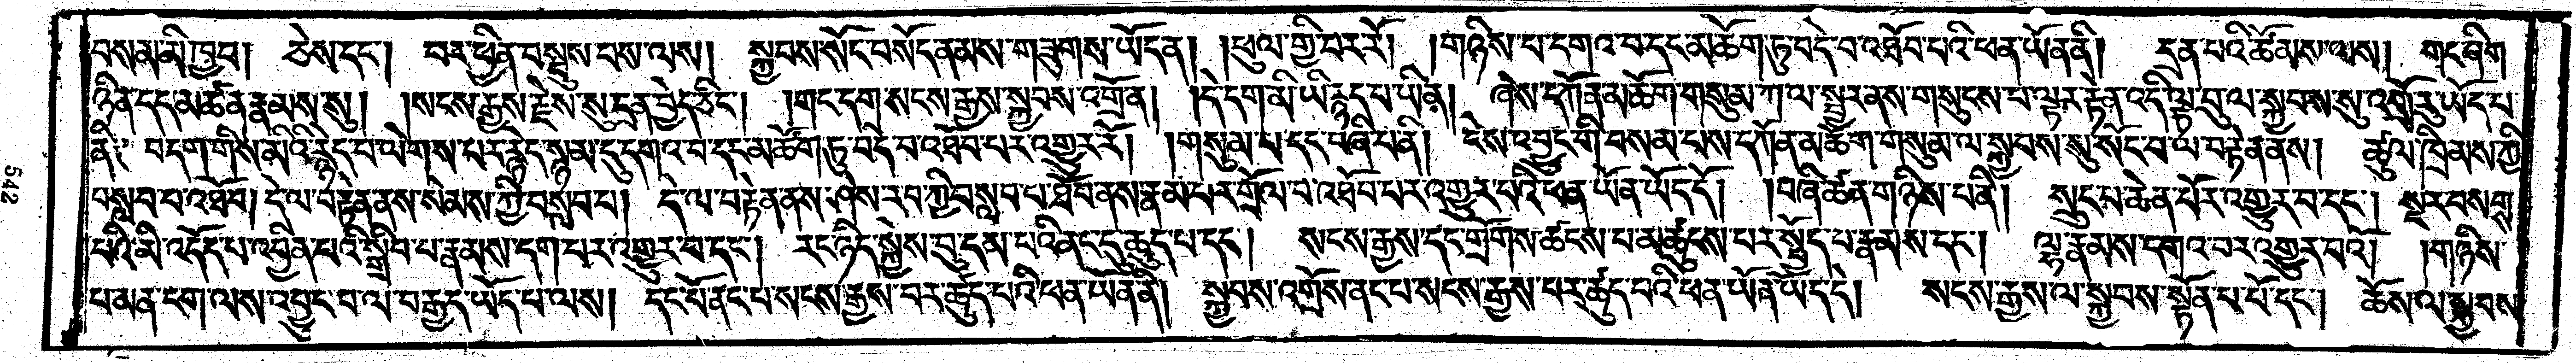བསམ་མི་ཁྱབ། ཅེས་དང་། བར་ཕྱིན་བསྦུས་པས་ལས། སྐྱབས་སོང་བསོད་ནམས་གཟུགས་ཡོད་ན། །ཕུལ་གྱི་བར་རོ། །གཉིས་པ་དགའ་བ་དང་མཆོག་ཏུ་བདེ་བ་འཐོབ་པའི་ཕན་ཡོན་ནི། དྲན་པའི་ཚོམས་ལས། གང་ཞིག་
ཉིན་དད་མཚན་རྣམས་སུ། །སངས་རྒྱས་རྗེས་སུ་དྲན་བྱེད་ཅིང་། །གང་དག་སངས་རྒྱས་སྐྱབས་འགྲོ་ན། །དེ་དག་མི་ཡི་རྙད་པ་ཡིན། ཞེས་དཀོན་མཆོག་གསུམ་ཀ་ལ་སྦྱར་ནས་གསུངས་པ་ལྟར་རྟེན་འདི་ལྟ་བུ་ལ་སྐྱབས་སུ་འགྲོ་རུ་ཡོད་པ་
ནི༑ བདག་གིས་མིའི་རྙེད་པ་ལེགས་པར་རྙེད་སྙམ་དུ་དགའ་བ་དང་མཆོག་ཏུ་བདེ་བ་འཐོབ་པར་འགྱུར་རོ། །གསུམ་པ་དང་བཞི་པ་ནི། ངེས་འབྱུང་གི་བསམ་པས་དཀོན་མཆོག་གསུམ་ལ་སྐྱབས་སུ་སོང་བ་ལ་བརྟེན་ནས། ཚུལ་ཁྲིམས་ཀྱི་
བསླབ་པ་འཐོབ། དེ་ལ་བརྟེན་ནས་སེམས་ཀྱི་བསླབ་པ། དེ་ལ་བརྟེན་ནས་ཤེས་རབ་ཀྱི་བསླབ་པ་ཐོབ་ནས་རྣམ་པར་གྲོལ་བ་འཐོབ་པར་འགྱུར་བའི་ཕན་ཡོན་ཡོད་དོ། །བཞི་ཚན་གཉིས་པན། སྲུང་པ་ཆེན་པོར་འགྱུར་བ་དང་། སྔར་བསབས་
པའི་མི་འདོད་པ་འབྱིན་པའི་སྒྲིབ་པ་རྣམས་དག་པར་འགྱུར་བ་དང་། རང་ཉིད་སྐྱེས་བུ་དམ་པའི་ནང་དུ་ཆུད་པ་དང་། སངས་རྒྱས་དང་གྲོགས་ཚངས་པ་མཚུངས་པར་སྤྱོད་པ་རྣམས་དང་། ལྷ་རྣམས་དགའ་བར་འགྱུར་བའོ། །གཉིས་
པ་མན་ངག་ལས་འབྱུང་བ་ལ་བརྒྱད་ཡོད་པ་ལས། དང་པོ་ནང་པ་སངས་རྒྱས་བར་ཚུད་པའི་ཕན་ཡོན་ནི། །སྐྱབས་འགྲོས་ནང་པ་སངས་རྒྱས་པར་ཚུད་པའི་ཕན་ཡོན་ཡོད་དེ། སངས་རྒྱས་ལ་སྐྱབས་སྟོན་པ་པོ་དང་། ཆོས་ལ་སྐྱབས་